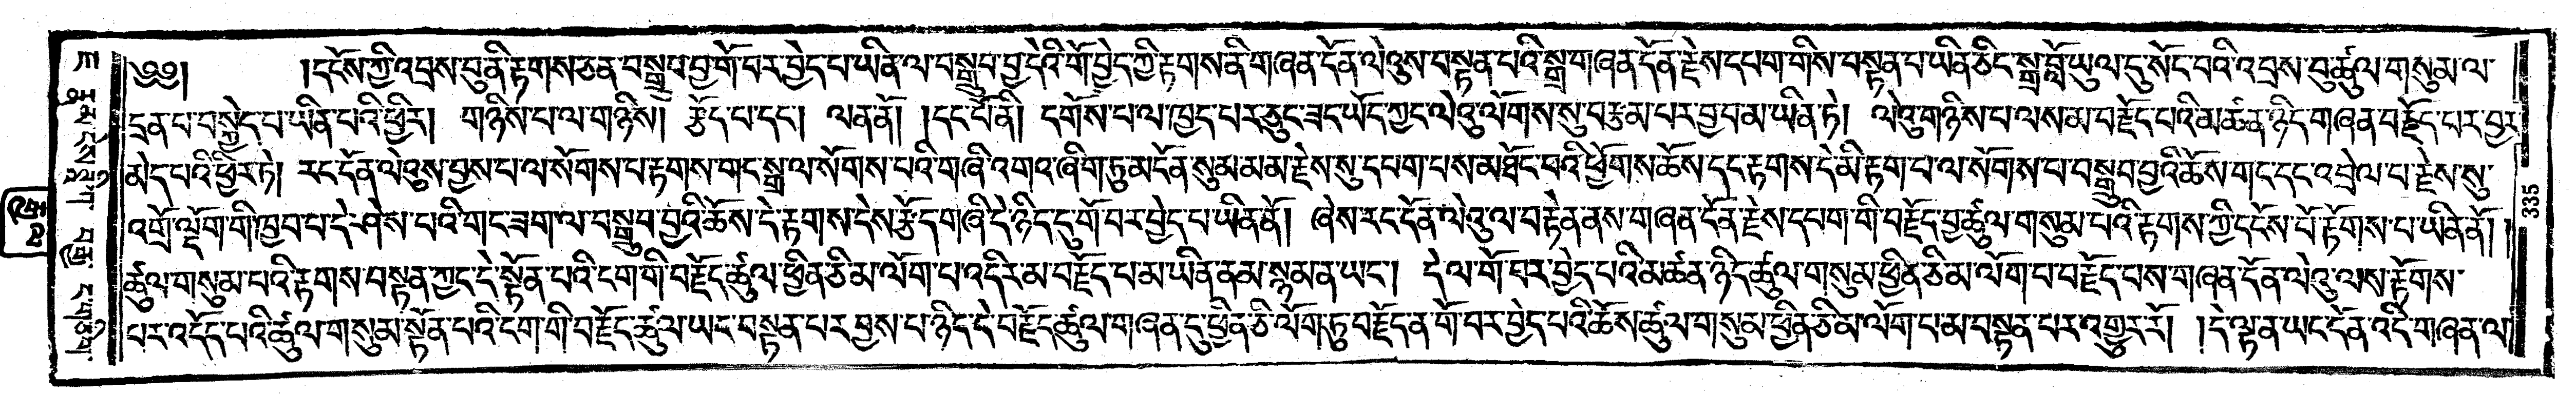༄༅། །དངོས་ཀྱི་འབྲས་བུ་ནི་རྟགས་ཅན་བསྒྲུབ་བྱ་གོ་བར་བྱེད་པ་ཡིན་ལ་བསྒྲུབ་བྱ་དེའི་གོ་བྱེད་ཀྱི་རྟགས་ནི་གཞན་དོན་ལེའུས་བསྟན་པའི་སྒྲ་གཞན་དོན་རྗེས་དཔག་གིས་བསྟན་པ་ཡིན་ཅིང་སྒྲ་བློ་ཡུལ་དུ་སོང་བའི་འབྲས་བུ་ཚུལ་གསུམ་ལ་
དྲན་པ་བསྐྱེད་པ་ཡིན་པའི་ཕྱིར། གཉིས་པ་ལ་གཉིས། རྩོད་པ་དང་། ལན་ནོ། །དང་པོ་ནི། དགོས་པ་ལ་ཁྱད་པར་ཅུང་ཟད་ཡོད་ཀྱང་ལེའུ་ལོགས་སུ་བརྩམ་པར་བྱ་བ་མ་ཡིན་ཏེ། ལེའུ་གཉིས་པ་ལས་མ་བརྗོད་པའི་མཚན་ཉིད་གཞན་བརྗོད་པར་བྱར་
མེད་པའི་ཕྱིར་ཏེ། རང་དོན་ལེའུས་བྱས་པ་ལ་སོགས་པ་རྟགས་གང་སྒྲ་ལ་སོགས་པའི་གཞི་འགའ་ཞིག་ཏུ་མངོན་སུམ་མ་མ་རྗེས་སུ་དཔག་པས་མཐོང་བའི་ཕྱོགས་ཆོས་དང་རྟགས་དེ་མི་རྟག་པ་ལ་སོགས་པ་བསྒྲུབ་བྱའི་ཆོས་གང་དང་འབྲེལ་པ་རྗེས་སུ་
འགྲོ་ལྡོག་གི་ཁྱབ་པ་དེ་ཤེས་པའི་གང་ཟག་ལ་བསྒྲུབ་བྱའི་ཆོས་དེ་རྟགས་དེས་རྩོད་གཞི་དེ་ཉིད་དུ་གོ་བར་བྱེད་པ་ཡིན་ནོ། ཞེས་རང་དོན་ལེའུ་ལ་བརྟེན་ནས་གཞན་དོན་རྗེས་དཔག་གི་བརྗོད་བྱ་ཚུལ་གསུམ་པའི་རྟགས་ཀྱི་དངོས་པོ་རྟོགས་པ་ཡིན་ནོ། །
ཚུལ་གསུམ་པའི་རྟགས་བསྟན་ཀྱང་དེ་སྟོན་པའི་ངག་གི་བརྗོད་ཚུལ་ཕྱིན་ཅི་མ་ལོག་པ་འདིར་མ་བརྗོད་པ་མ་ཡིན་ནམ་སྙམ་ན་ཡང་། དེ་ལ་གོ་བར་བྱེད་པའི་མཚན་ཉིད་ཚུལ་གསུམ་ཕྱིན་ཅི་མ་ལོག་པ་བརྗོད་པས་གཞན་དོན་ལེའུ་ལས་རྟོགས་
པར་འདོད་པའི་ཚུལ་གསུམ་སྟོན་པའི་ངག་གི་བརྗོད་ཚུལ་ཡང་བསྟན་པར་བྱས་པ་ཉིད་དེ་བརྗོད་ཚུལ་གཞན་དུ་ཕྱིན་ཅི་ལོག་ཏུ་བརྗོད་ན་གོ་བར་བྱེད་པའི་ཆོས་ཚུལ་གསུམ་ཕྱིན་ཅི་མ་ལོག་པ་མ་བསྟན་པར་འགྱུར་རོ། །དེ་ལྟ་ན་ཡང་དོན་འདི་གཞན་ལ་